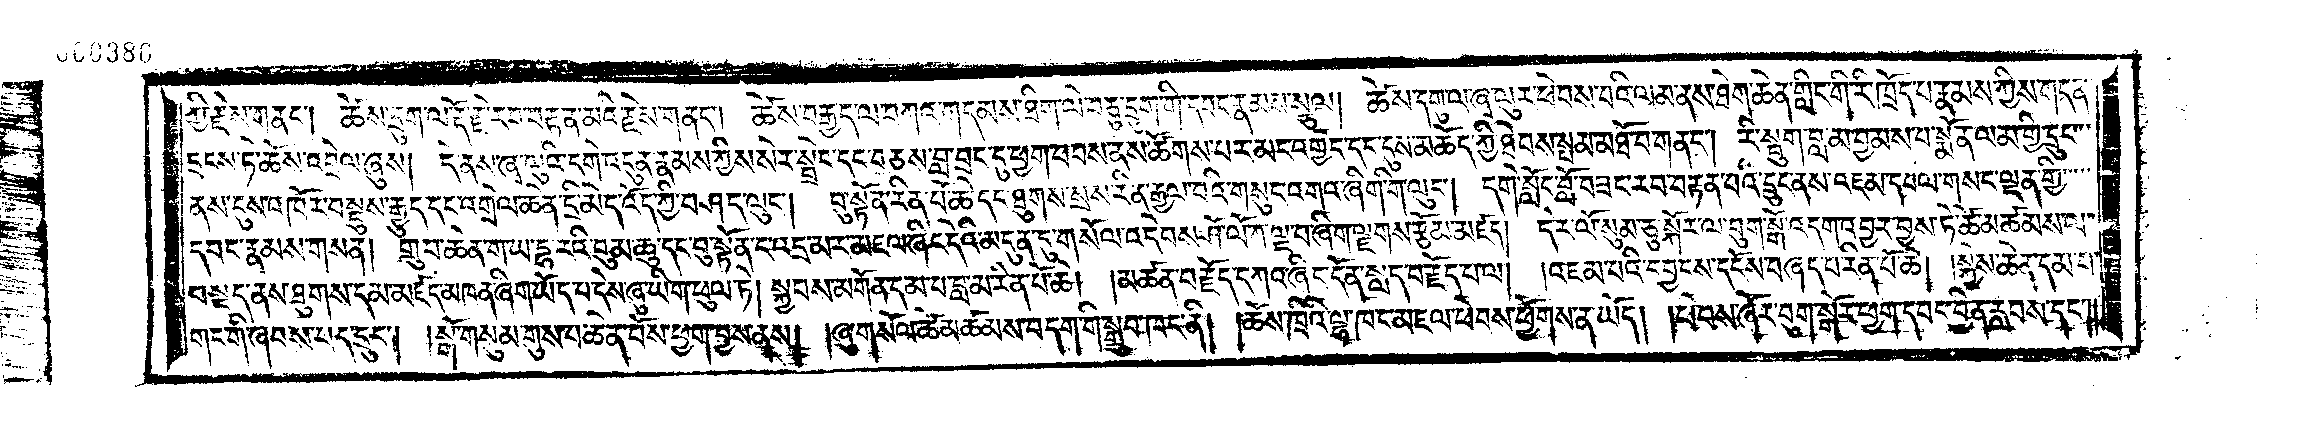ཀྱི་རྗེས་གནང་། ཚེས་དྲུག་ལ་རྡོ་རྗེ་རབ་བརྟན་མའི་རྗེས་གནང་། ཚེས་བརྒྱད་ལ་བཀའ་གདམས་ཐིག་ལེ་བཅུ་དྲུག་གི་དབང་རྣམས་སྩལ། ཚེས་དགུ་ལ་ཞྭ་ལུར་ཕེབས་པའི་ལམ་ནས་ཐེག་ཆེན་གླིང་གི་རི་ཁྲོད་པ་རྣམས་ཀྱིས་གདན་
དྲངས་ཏེ་ཆོས་འབྲེལ་ཞུས། དེ་ནས་ཞྭ་ལུའི་དགེ་འདུན་རྣམས་ཀྱིས་སེར་སྦྲེང་དང་བཅས་བླ་བྲང་དུ་ཕྱག་ཕབས་ནས་ཚོགས་པར་མང་འགྱེད་དང་དུས་མཆོད་ཀྱི་ཐེབས་སྤམ་མཐོ་པ་གནང་། རི་སྦུག་བླ་མ་བྱམས་པ་སྨོན་ལམ་གྱི་དྲུང་
ནས་དུས་འཁོར་བསྡུས་རྒྱུད་དང་འགྲེལ་ཆེན་དྲི་མེད་འོད་ཀྱི་བཤད་ལུང་། བུ་སྟོན་རིན་པོ་ཆེ་དང་ཐུགས་སྲས་རིན་རྒྱལ་པའི་གསུང་འགའ་ཞིག་གི་ལུང་། དགེ་སློང་བློ་བཟང་རབ་བརྟན་པའི་དྲུང་ནས་འཇམ་དཔལ་གསང་ལྡན་གྱི་
དབང་རྣམས་གསན། གྲུབ་ཆེན་ག་ཡ་དྷ་རའི་བུམ་ཆུ་དང་བུ་སྟོན་ང་འདྲ་མར་མཇལ་ཞིང་དེའི་མདུན་དུ་གསོལ་འདེབས་ཤོ་ལོ་ཀ་ལྔ་བཞིག་ལྗགས་རྩོམ་མཛད། དེར་ལོ་སུམ་ཅུ་སྐོར་ལ་བུག་སྒོ་འདག་འབྱར་བྱས་ཏེ་ཚེ་མཚམས་ལ་
བསྡད་ནས་ཐུགས་དམ་མཛད་མཁན་ཞིག་ཡོད་པ་དེས་ཞུ་ཡིག་ཕུལ་ཏེ། སྐྱབས་མགོན་དམ་པ་བླ་མ་རིན་པོ་ཆེ། །མཚན་བརྗོད་དཀའ་ཞིང་དོན་སླད་བརྗོད་པ་ལ། །འཇམ་པའི་དབྱངས་དངོས་བཞད་པ་རིན་པོ་ཆེ། །སྐྱེས་ཆེན་དམ་པ་
གང་གི་ཞབས་པད་དྲུང་། །སྒོ་གསུམ་གུས་པ་ཆེན་པོས་ཕྱག་བྱས་ནས། །ཞུ་གསོལ་ཚེ་མཚམས་བདག་གི་སྒྲུབ་ཁང་ནི། །ཆོས་ཁྲིའི་ལྷ་ཁང་མཇལ་ཕེབས་ཕྱོགས་ན་ཡོད། །ཕེབས་ཞོར་བུག་སྒོར་ཕྱག་དབང་བྱིན་རླབས་དང།།